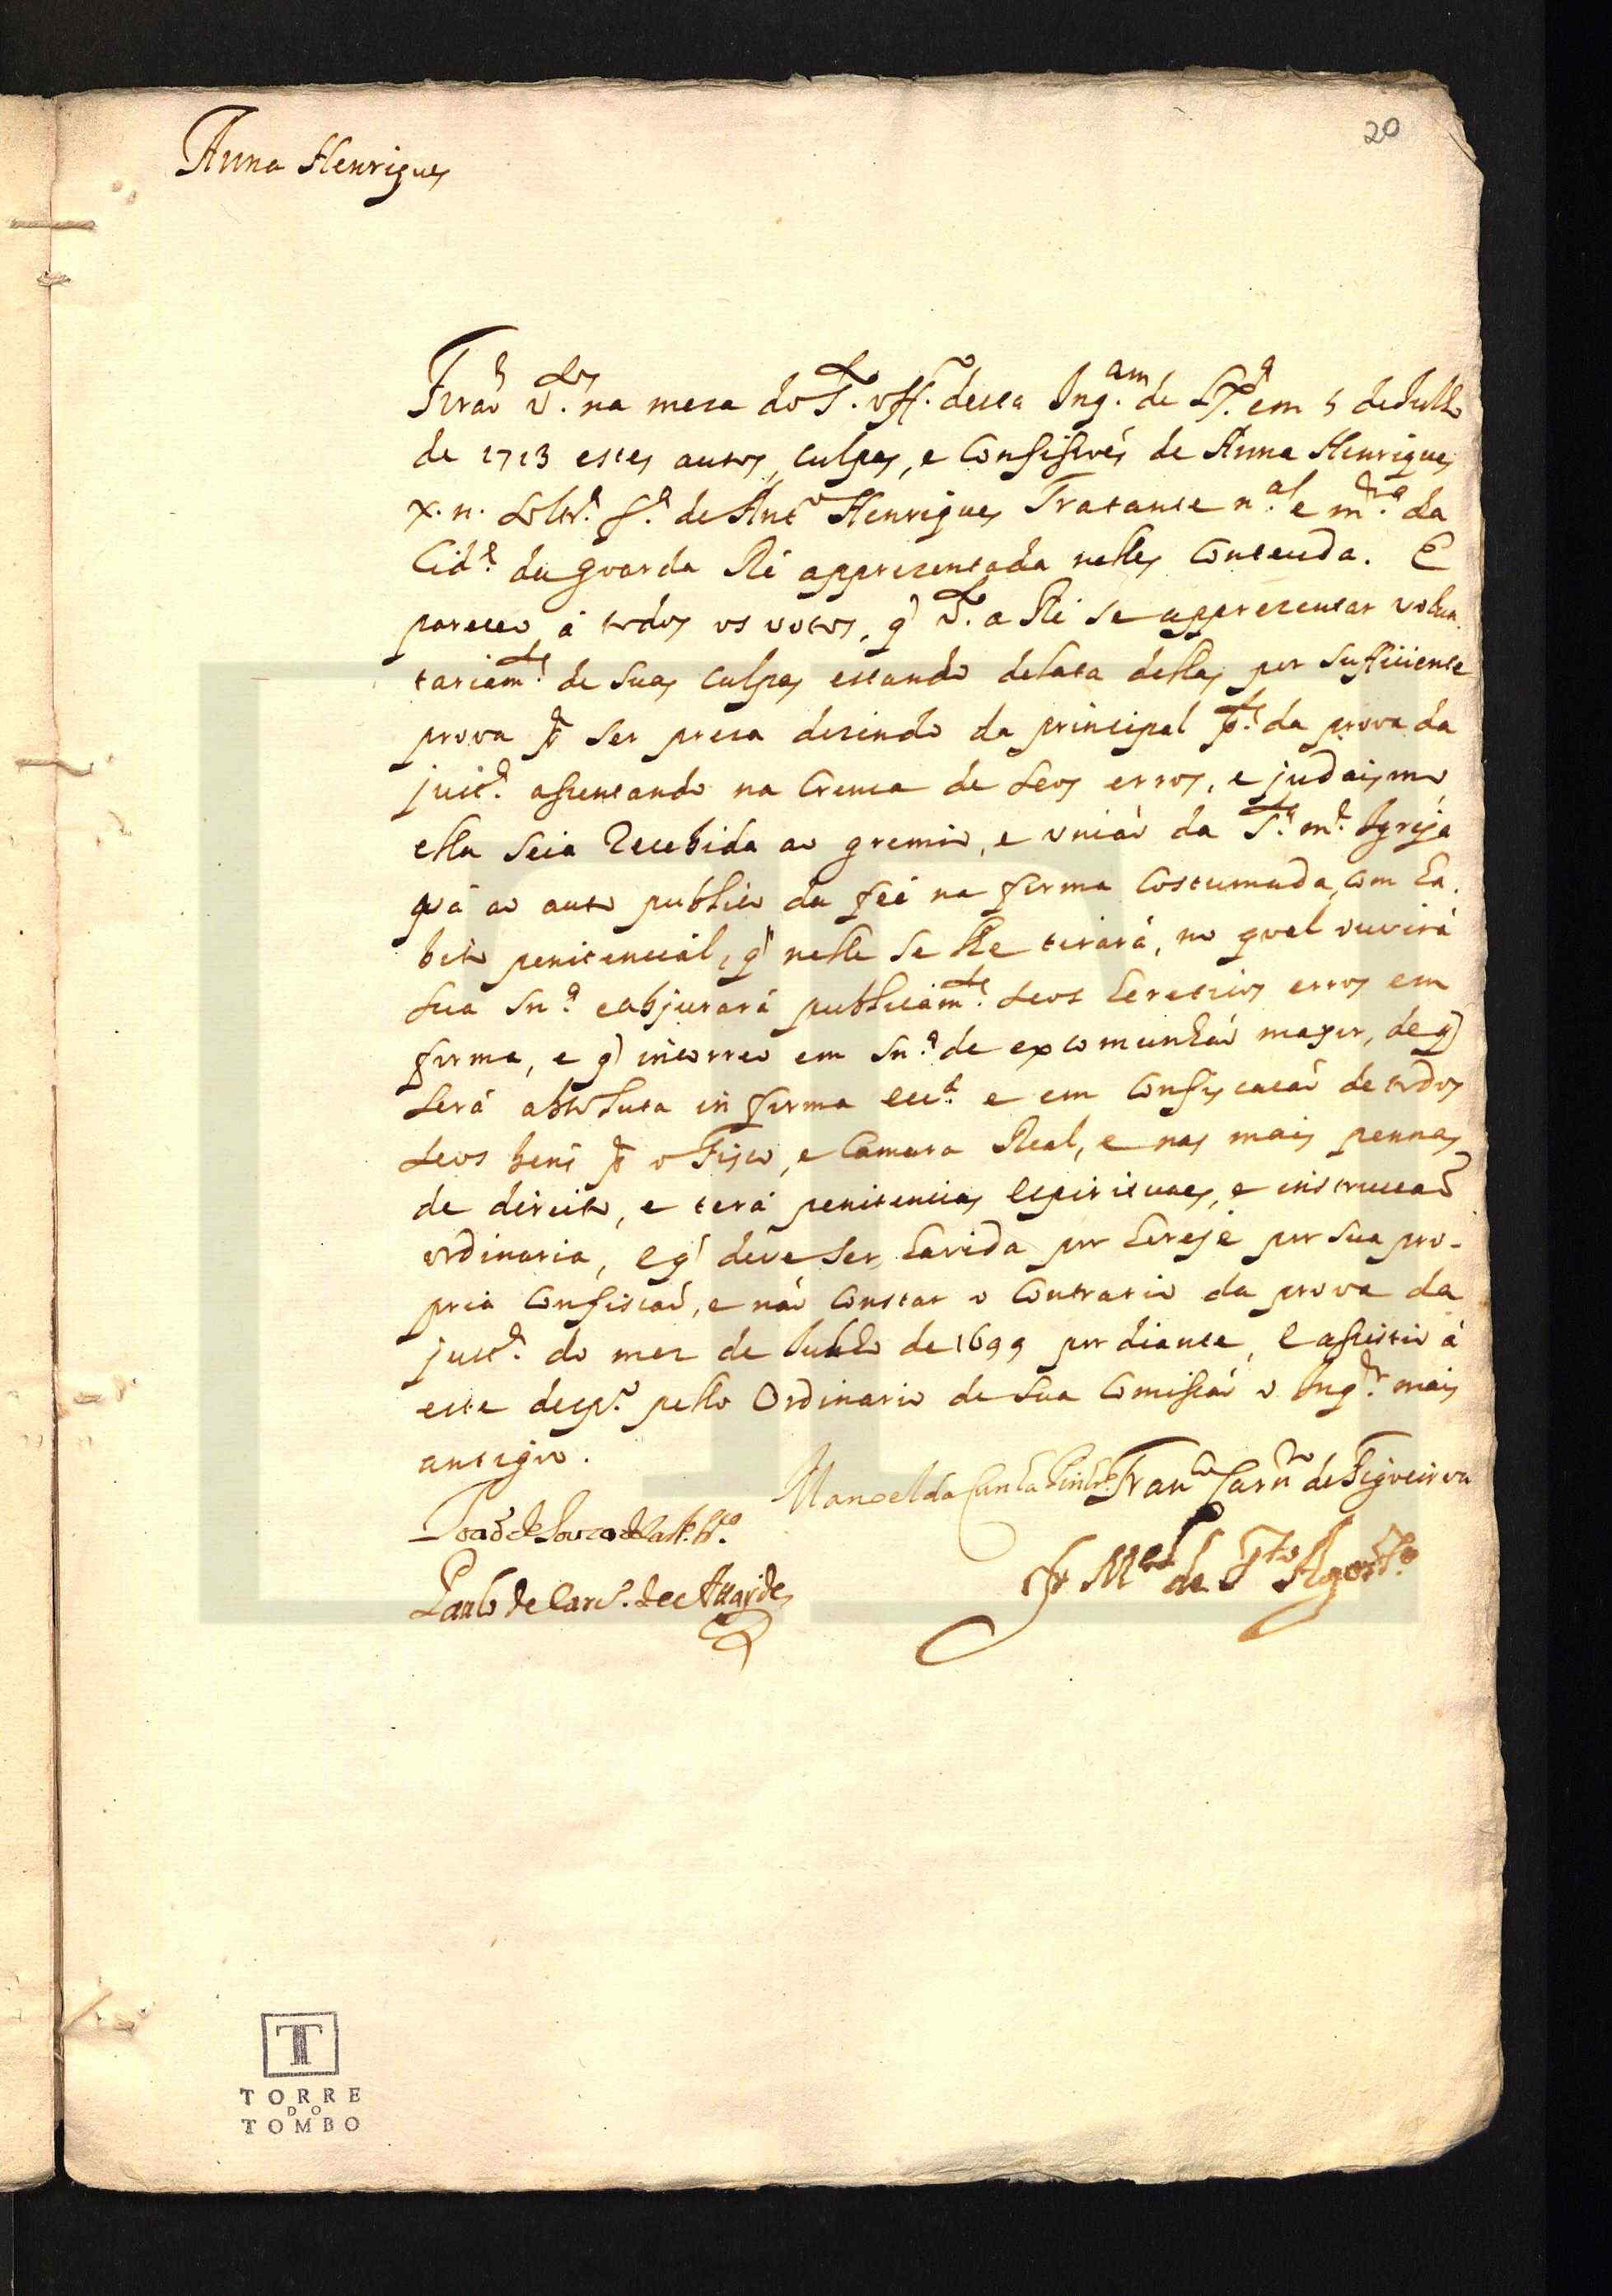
Anna Henriques
Foraõ v.tos na meza do s.to off.o desta Inq.am de Lxa em 5 de Iulho
de 1713 estes autos, culpas, e Confissoẽs de Anna Henriques
x. n. soltr.a f.a de Anto Henriques Tratante n.al e m.ra da
Cid.e da goarda Ré apprezentada nelles conteuda. E
pareceo à todos os votos, q̄ v.to a Ré se apprezentar volun
tariam.te de suas culpas estando delata dellas per suficiente
prova pa ser preza dizendo da principal p.te da prova da
just.a assentando na crença de seos erros, e judaismo,
ella seia Recebida ao gremio, e vniaõ da s.ta m.e Igreja
e vá ao auto publico da feé na forma costumada, com ha
bito penitencial, q̄ nelle se lhe tirará, no qual ouvirá
sua sn.a e abjurará publicam.te seos hereticos erros em
forma, e q̄ incorreo em sn.a de excomunhaõ mayor, de q̄
será absoluta in forma ecc.æ, e em confiscaçaõ de todos
seos bens̄ pa o Fisco, e Camara Real, e nas mais pennas,
de direito, e terá penitencias espirituaes, e instrucçaõ
ordinaria, e q̄ deve ser, havida por hereje por sua pro
pria confisçaõ, e naõ constar o Contrario da prova da
just.a do mez de Iulho de 1699 por diante, e assistio á
este desp.o pello Ordinario de Sua Comissaõ o Inq.or mais
antiguo.
Manoel da Cunha Pinhr.o
Franco Carnro de Figueiroa
Ioaõ de souza de Cast.o br.co
fr M.el de sto Agost.o
Paulo de Carv.o de Attayde
